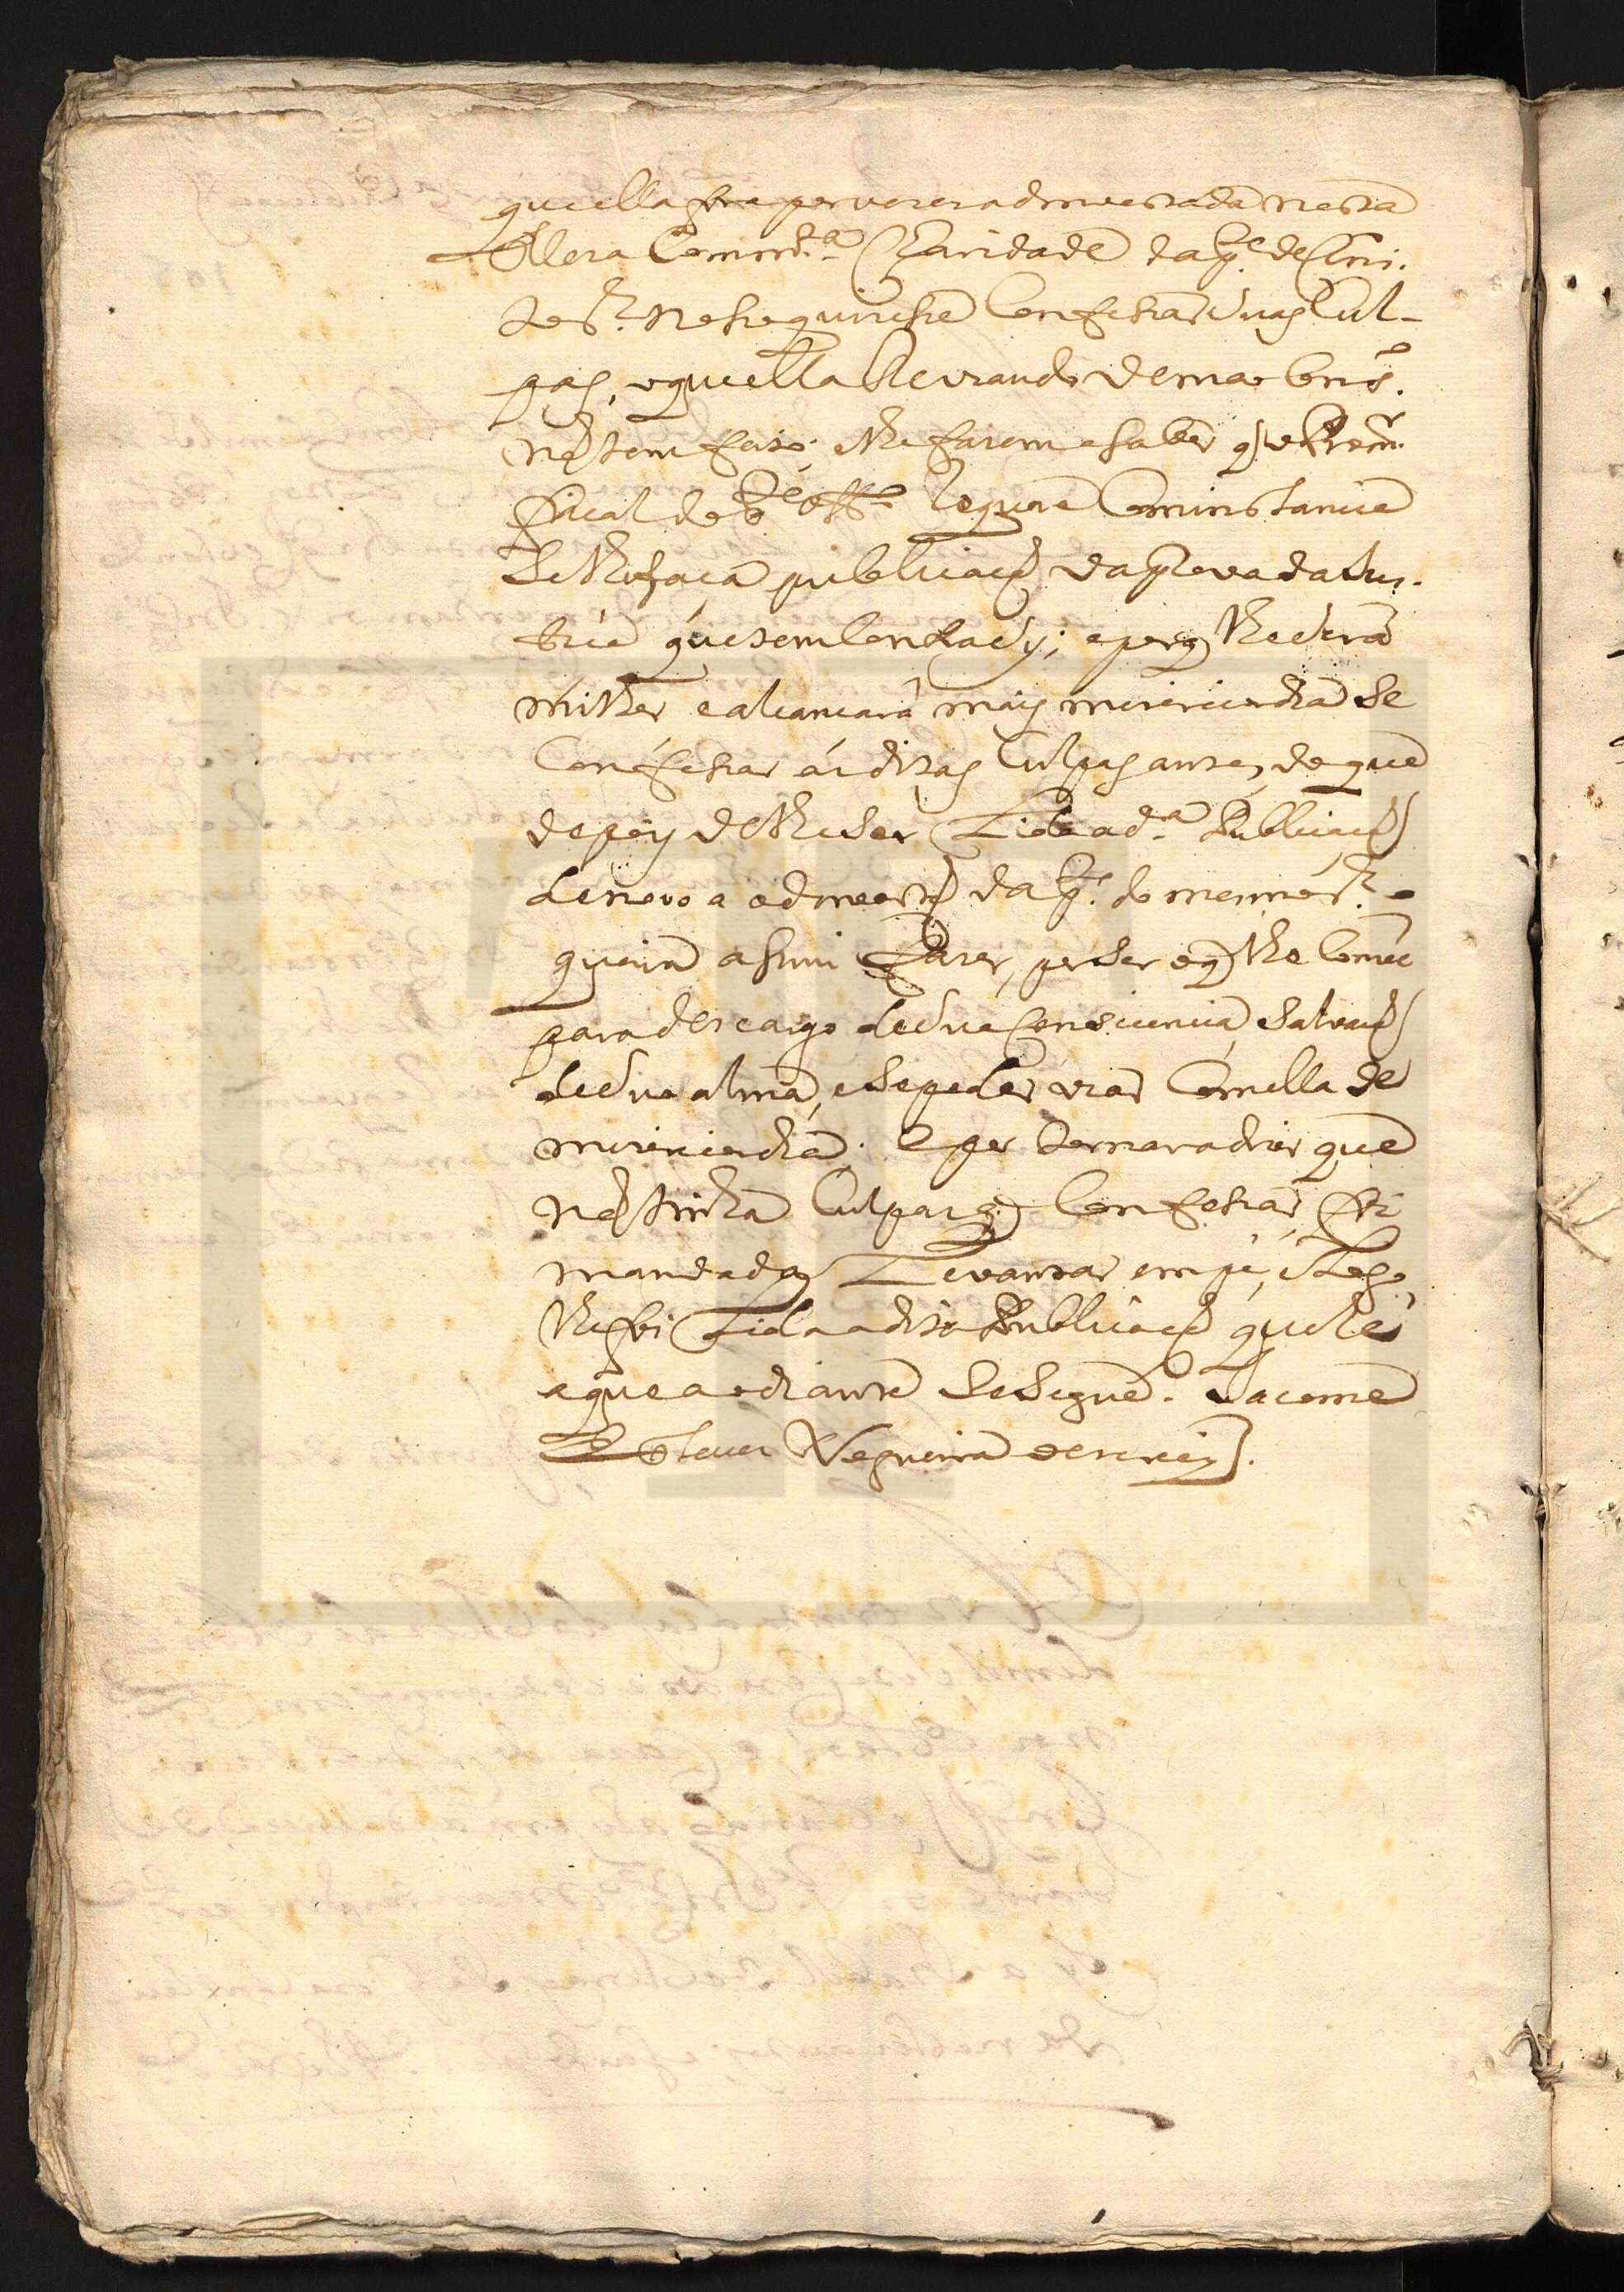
que ella fora por vezes admoestada nesta
Meza Com m.ta Charidade da p.te de Chris
to s.or nosso quizesse Confessar suas cul
pas, o que ella Re uzando de mao Cons.o
naõ tem feito; e lhe fazem a saber q̄ o Prom.or
fiscal do s.to off.o Requere Com instancia
Selhe faça publicaçaõ da pRova da Ius
tiça que tem Contra sy; e porq̄ lhe será
milhor, e alcançará mais misericordia se
Confessar as ditas Culpas antes do que
depois de lhe ser Lida a d.a Publicaçaõ
de novo a ademoestaõ da p.te do mesmo s.or
queira assim fazer, por ser o q̄ lhe Convē
para descargo de Sua Consciencia, Salvaçaõ
de Sua alma, e se poder vzar Com ella de
mizericordia; E por tornar a dizer que
naõ tinha Culpas q̄ Confessar, foi
mandada Levantar em pé, e Logo
lhe foi Lida a dita Publicaçaõ que hé
a que aodiante se segue. Iacome
Esteues Nogueira o escreuj
